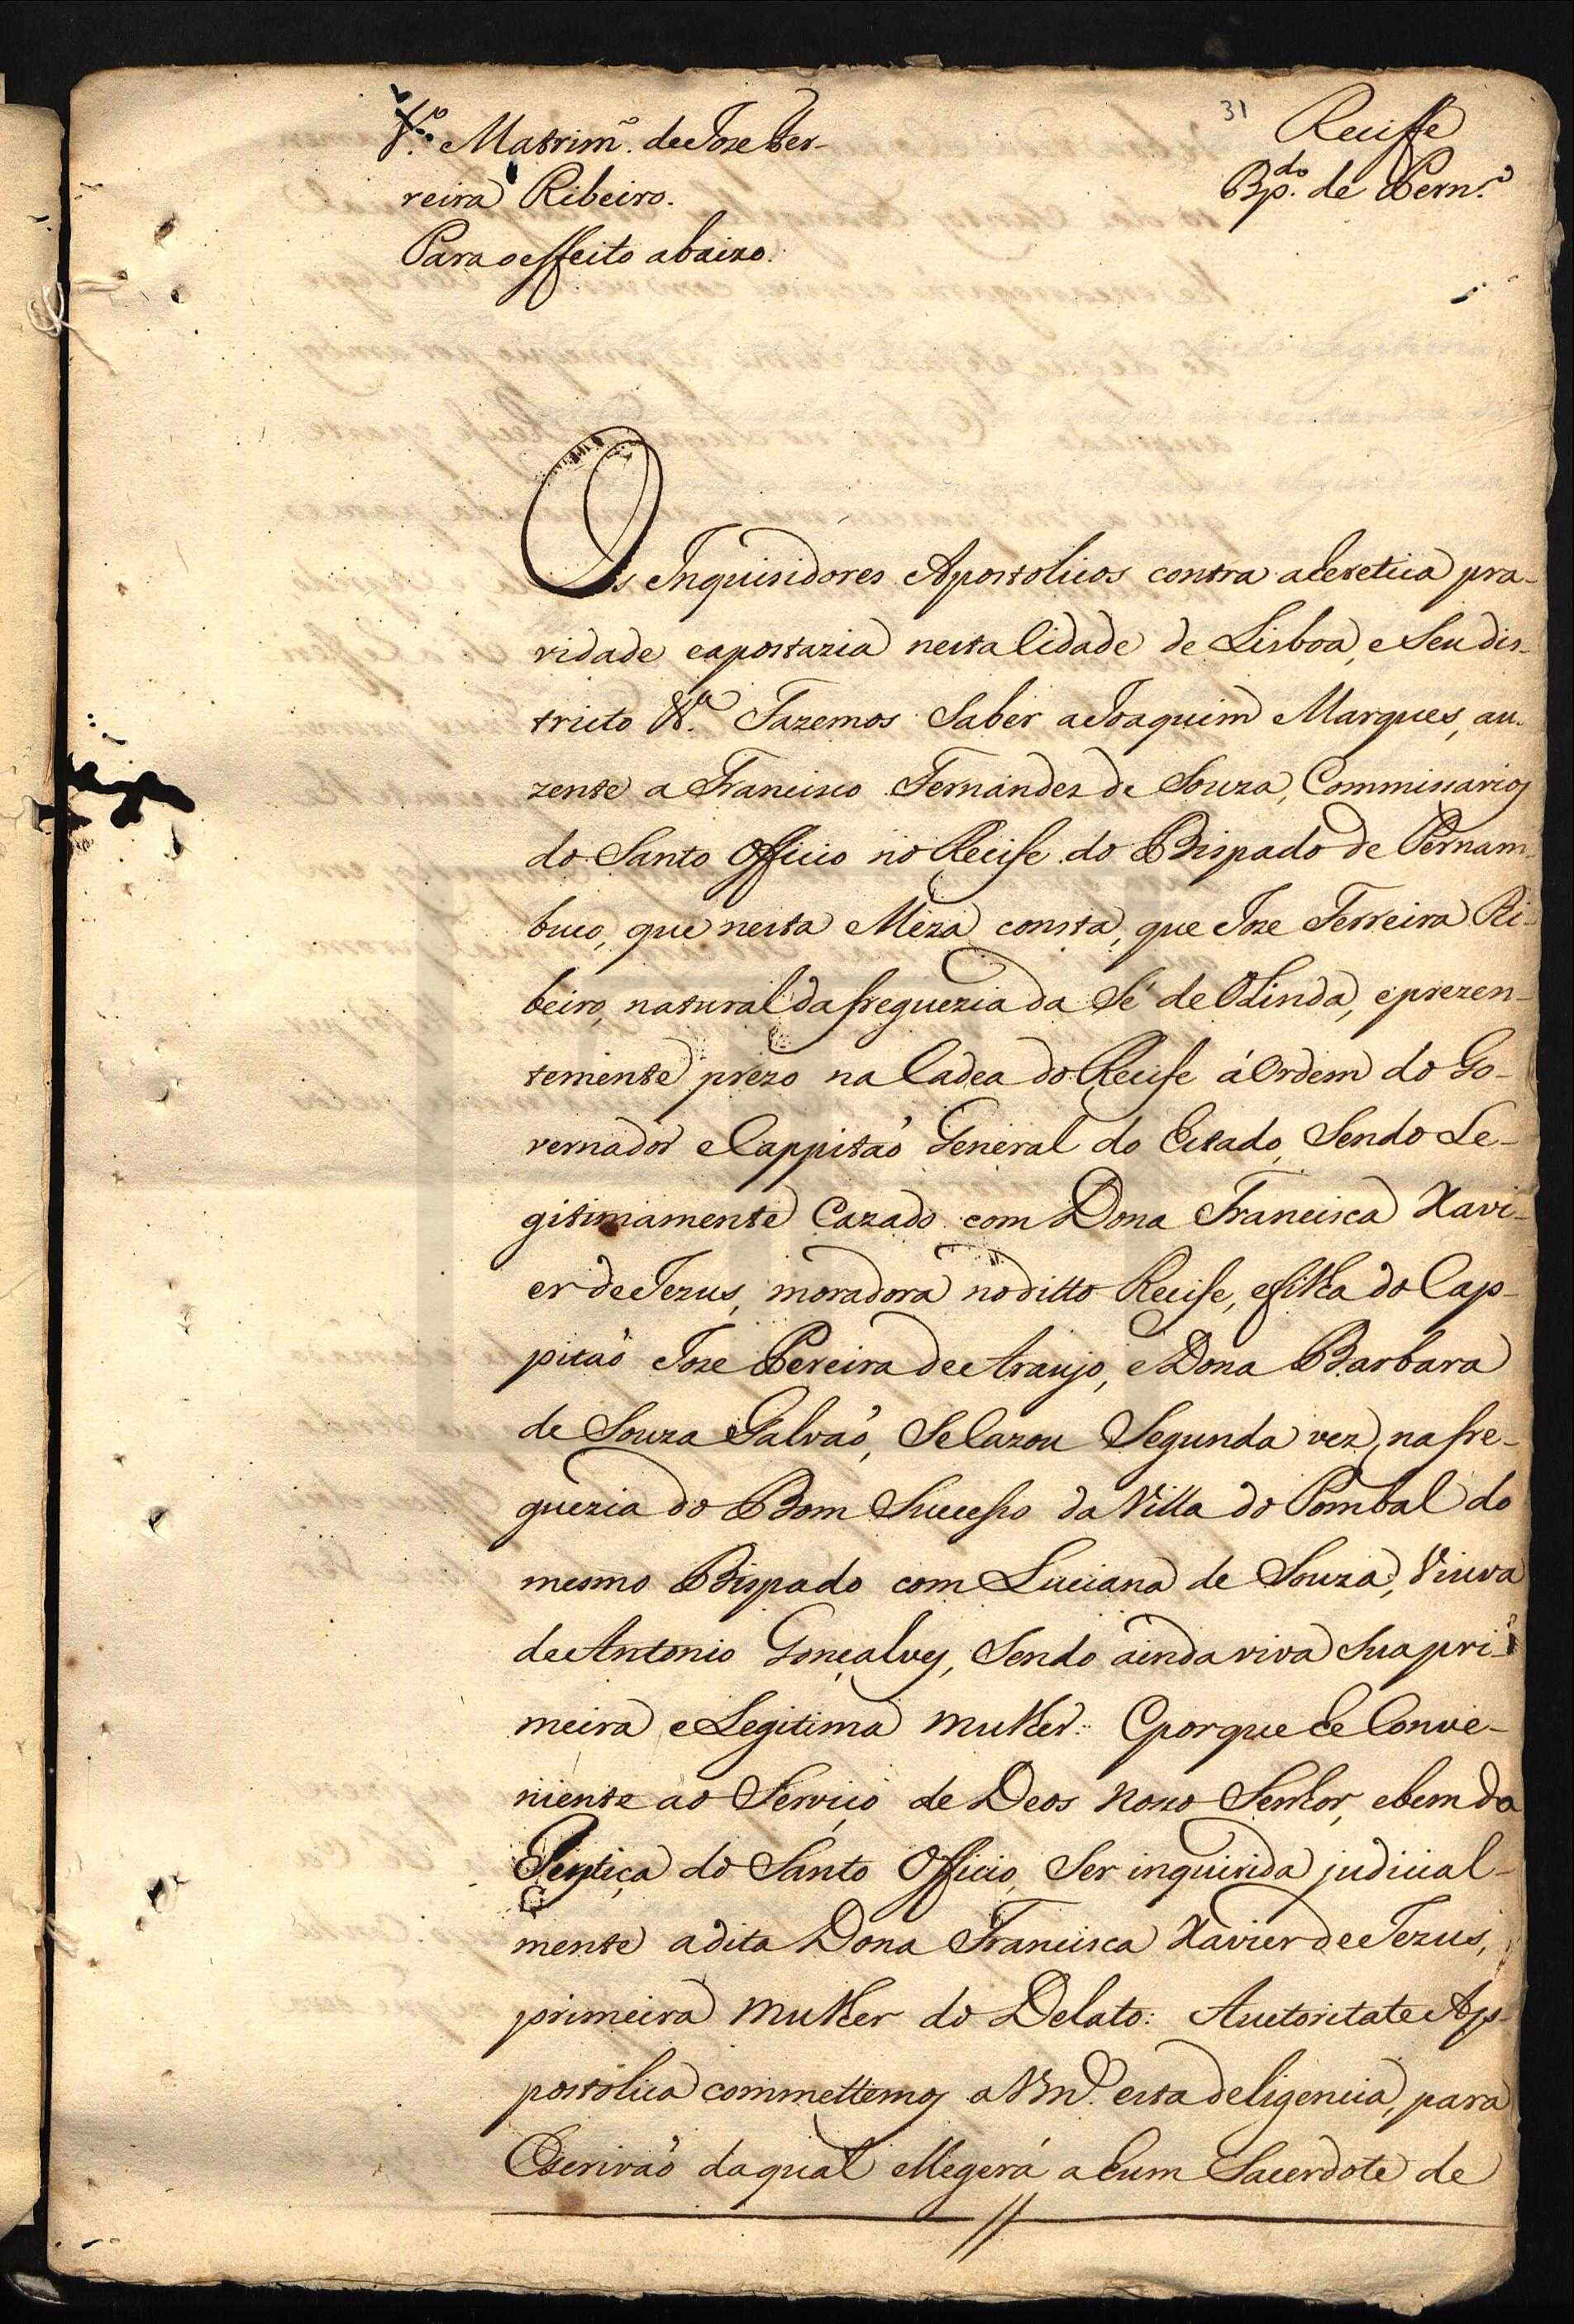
Reciffe
1.o Matrim.o de Ioze Fer
Bp.do de Pern.o
reira Ribeiro.
Para o effeito abaixo.
Os Inquisidores Apostolicos contra a heretica pra
vidade e apostazia nesta Cidade de Lisboa, e Seu dis
tricto &ra. Fazemos Saber a Ioaquim Marques, au
zente a Francisco Fernandes de Souza, Commissarios
do Santo officio no Recife do Bispado de Pernam
buco, que nesta Meza consta, que Ioze Ferreira Ri
beiro, natural da freguezia da Sé de OLinda, e prezen
temente prezo na Cadea do Recife á Ordem do Go
vernador e Cappitaõ General do Estado, Sendo Le
gitimamente Cazado com Dona Francisca Xavi
er de Iezus, moradora no ditto Recife, e filha do Cap
pitaõ Ioze Pereira de Araujo, e Dona Barbara
de Souza Galvaõ, Se Cazou Segunda vez na fre
guezia do Bom Successo da Villa do Pombal do
mesmo Bispado com Luciana de Souza, Viuva
de Antonio Gonçalves, Sendo ainda viva sua pri
meira e Legitima mulher. e porque he Conve
niente ao Serviço de Deos nosso Senhor, e bem da
Iustiça do Santo officio, Ser inquirida judicial
mente a dita Dona Francisca Xavier de Iezus,
primeira mulher do Delato: Auctoritate Ap
postolica commettemos a Vm.e esta deligencia, para
escrivaõ da qual ellegerá a hum Sacerdote de
